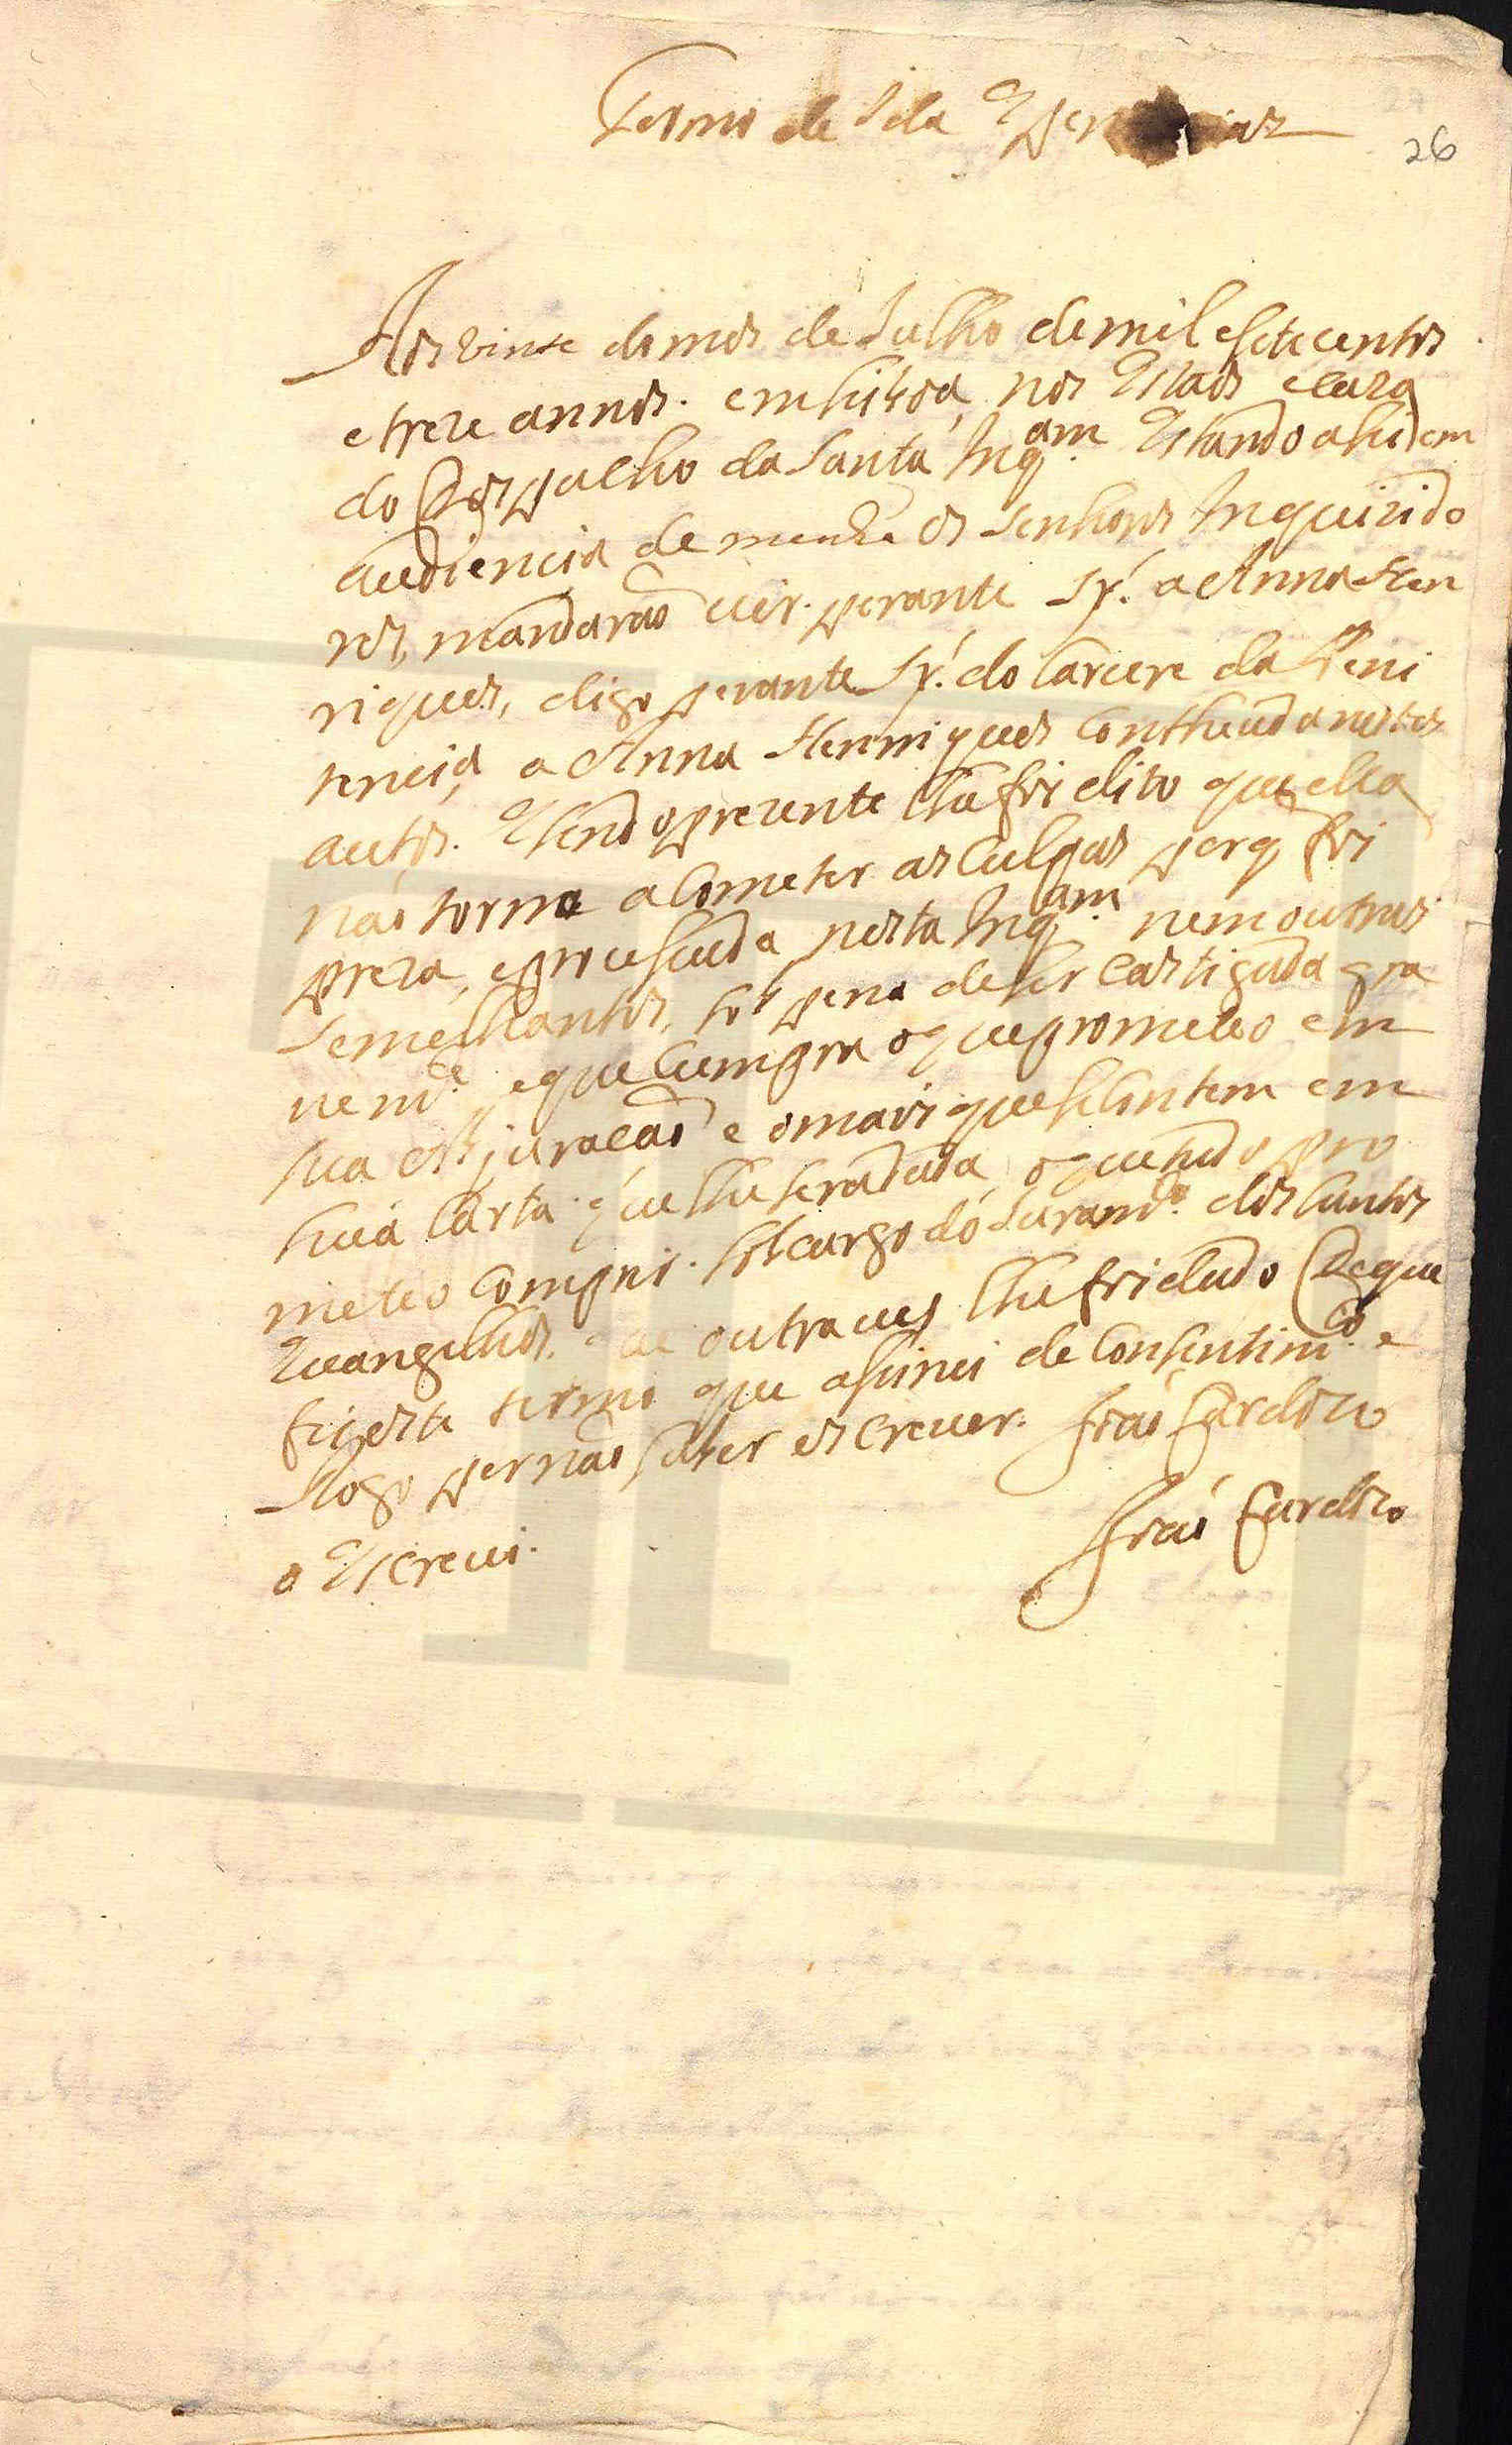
Termo de Ida E per_az
Aos vinte do mes de Iulho de mil e setecentos
e treze annos. em lisboa, nos Estaos e caza
do Despacho da santa Inq.am Estando ahi em
audiencia de manhã os senhores Inquizido
res, mandaraõ uir perante sy. a Anna Hen
riques, digo perante sy. do Carcere da Peni
tencia, a Anna Henriques Contheuda nestes
autos. E sendo prezente lhe foi dito que ella
naõ torne a Cometer as culpas porq foi
preza, e processada nesta Inqam. nem outras
semelhantes, sob pena de ser castigada gra
uemte. e que Cumpra o que prometeo em
sua Abjuração e o mais que se Contem em
huā Carta que lhe sera dada, o que tudo pro
meteo comprir. sob cargo do Iuramt.o dos Çantos
Euangelhos. que outra ues lhe foi dado De que
fis este termo que assinei de Consentim.to e
Rogo per não saber escreuer. Joaõ Cardozo
Joaõ Cardozo
o Escreui.
